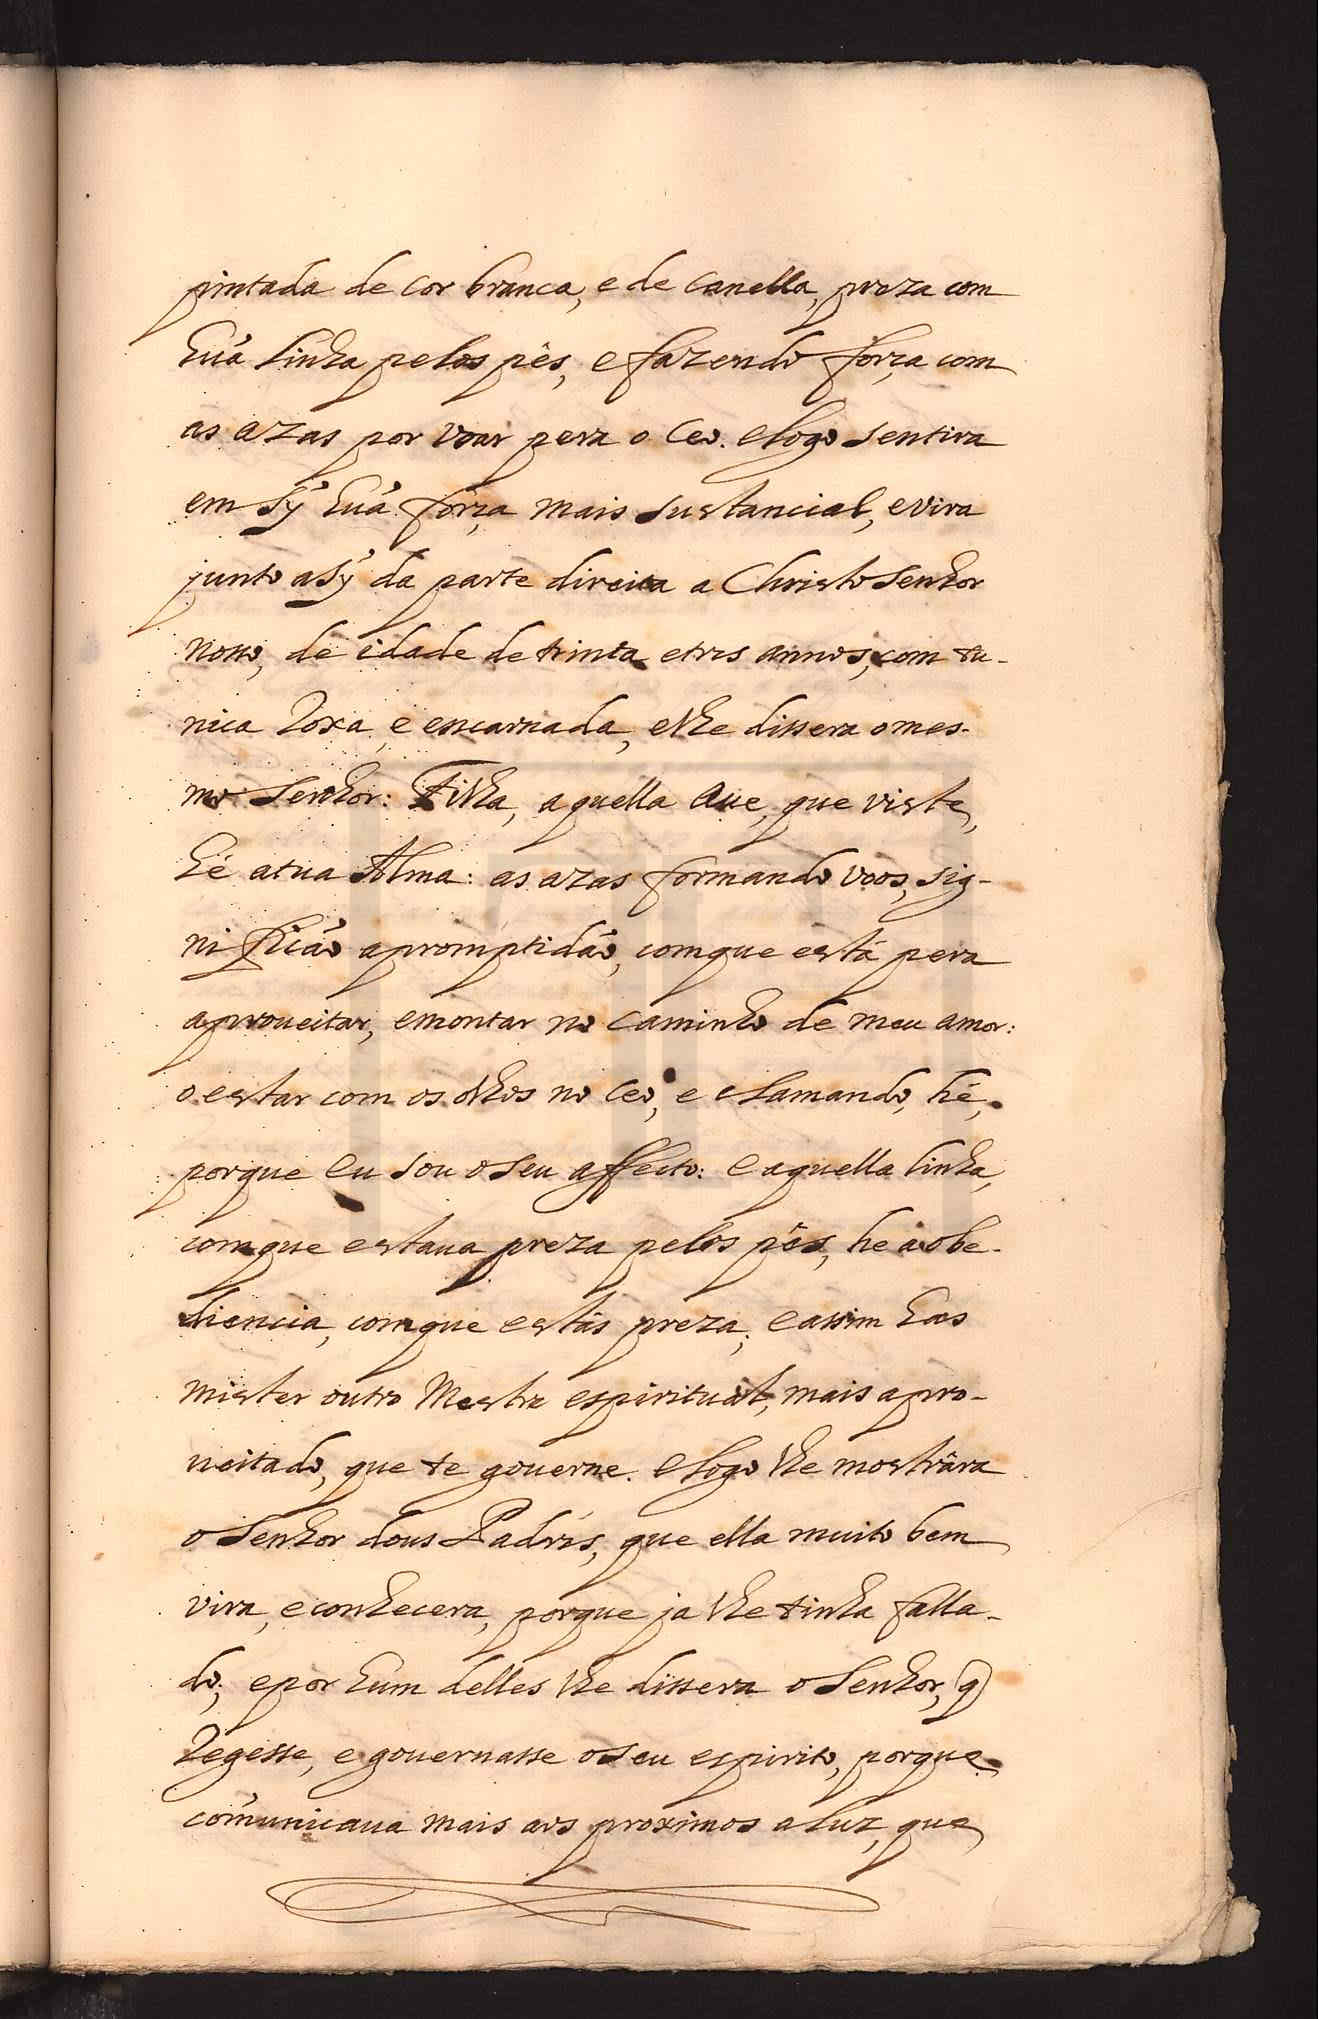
pintada de cor branca, e de canella, preza com
huā linha pelos pés, e fazendo força com
as azas por voar pera o Ceo. e logo sentira
em sy huā força mais sustancial, e vira
junto a sy da parte direita a Christo Senhor
nosso, de idade de trinta e tres annos, com tu
nica Roxa, e encarnada, e lhe dissera o mes
mo senhor. Filha, aquella aue, que viste,
hé a sua Alma: as azas formando voos, sig
nificaõ a promptidaõ, com que está pera
aproueitar, e montar no caminho de meu amor:
o estar com os olhos no Ceo, e clamando, hé,
porque eu sou o seu affecto. e aquella linha,
com que estaua preza pelos pês, he a obe
diencia, com que estás preza; e assim has
mister outro Mestre espiritual, mais apro
ueitado, que te gouerne. E logo lhe mostrâra
o Senhor dous Padres, que ella muito bem
vira, e conhecera, porque ja lhe tinha falla
do; e por hum delles lhe dissera o Senhor, q̄
Regesse, e gouernasse o seu espirito, porque
com̄unicaua mais aos proximos a Luz, que
